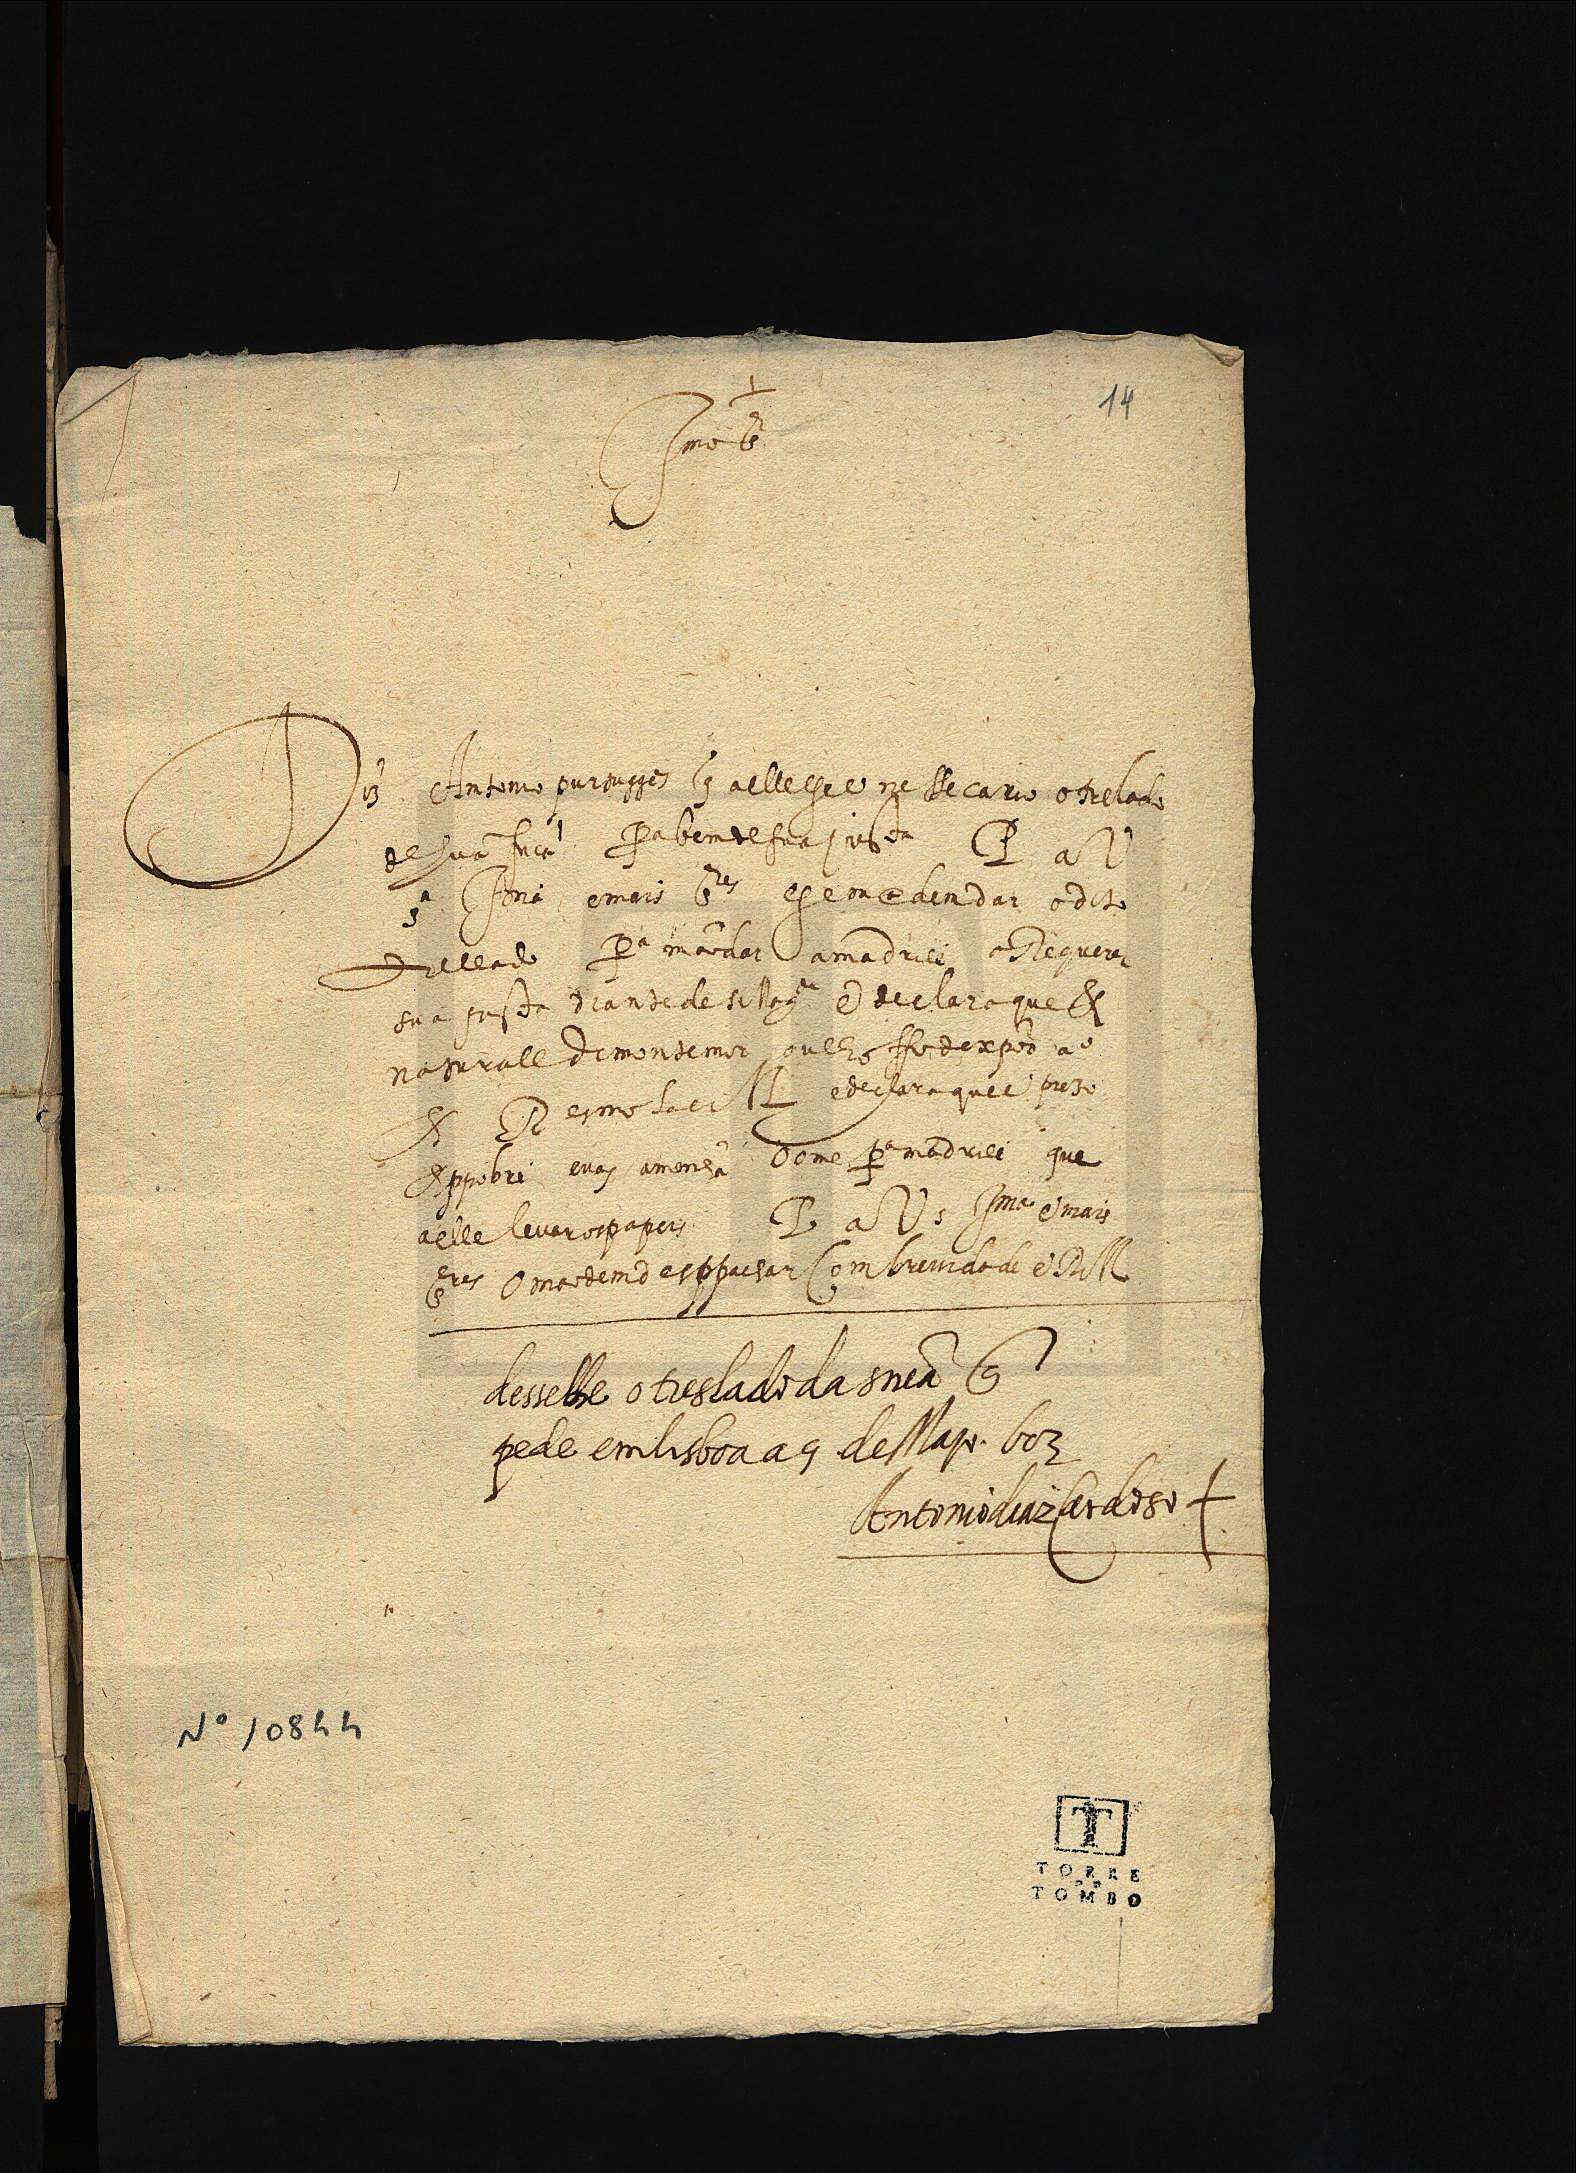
Jmo sor
Diz Amtonio purtugges q̄ a elle lhe e nessecario o trelado
de huā sncā ꝑa bem de sua justa P a V
sa Jmā e mais sres lhe mādem dar o dito
trellado ꝑa maõdar a madrile a Requerer
sua justa diante de s Magde e declara que &
naturall de montemor o ulho ffo de xpão ao
& R esmola e M e declara que e preso
& ppobre e uaj amenhā o ome ꝑa madrile que
a elle leuar os papeis P a Vs Jma e mais
sres O maodem desppachar Com breuidade e R M
desselhe o treslado da sncā q̄
pede em lisboa a 9. de Majo. 603
